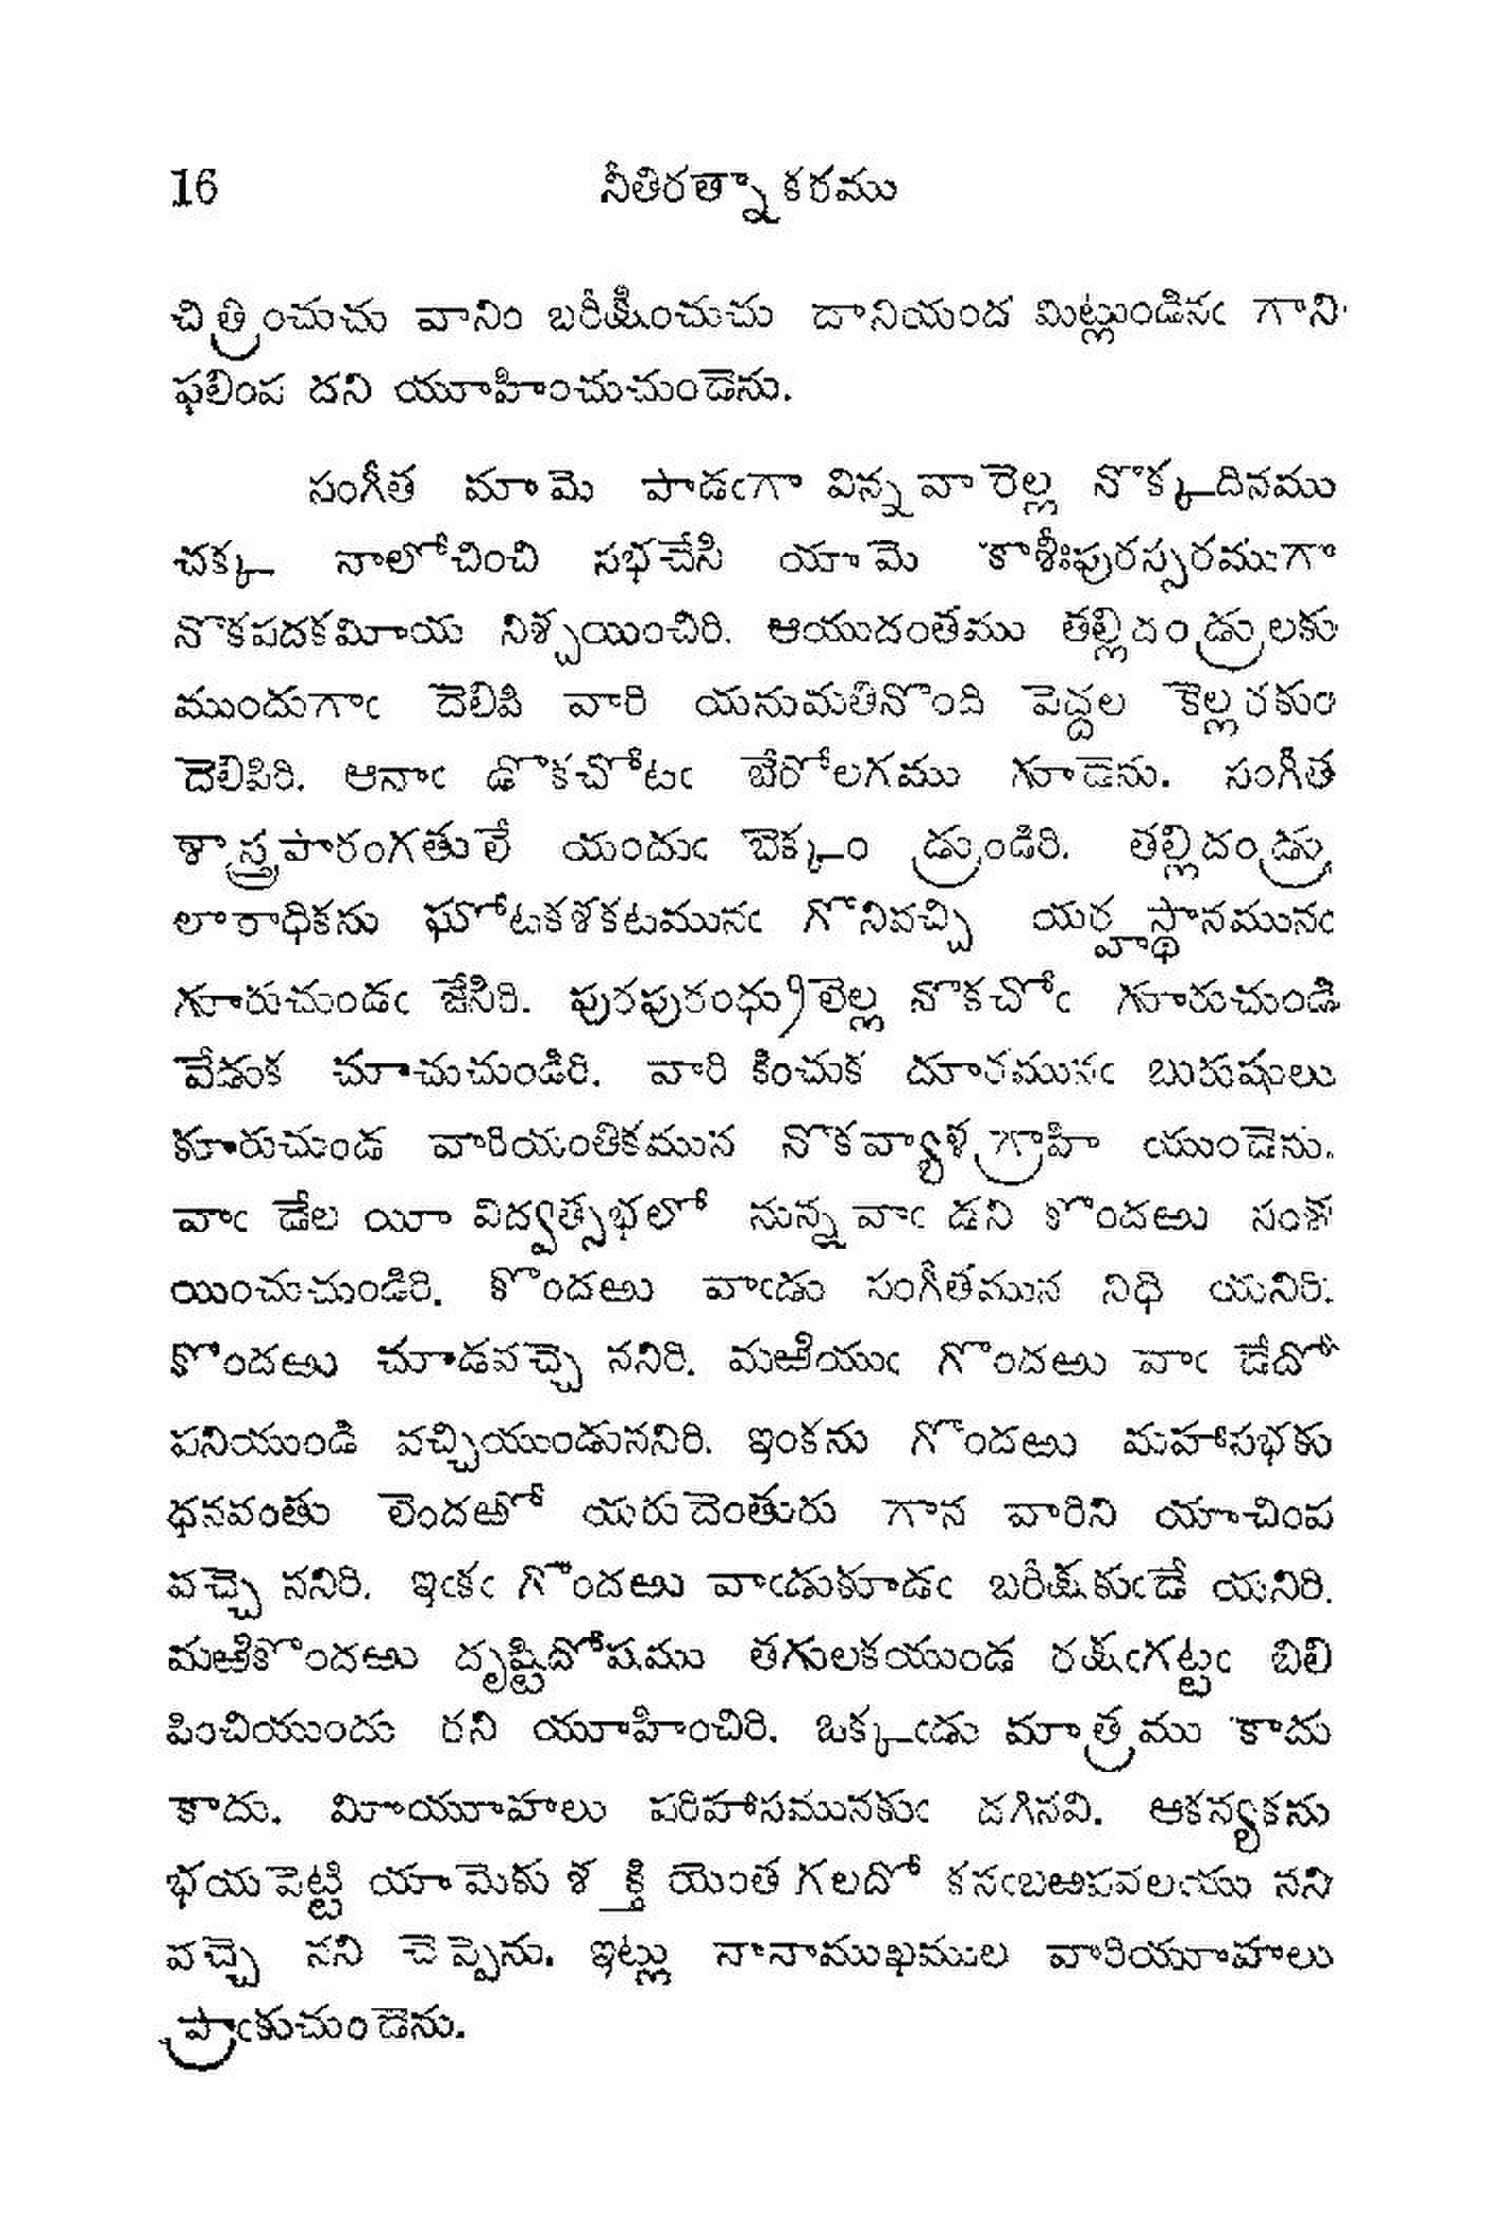చిత్రించుచు వానిం బరీక్షించుచు దానియంద మిట్లుండినఁ గాని, ఫలింప దని యూహించుచుండెను.

సంగీత మామె పాడఁగా విన్న వారెల్ల నొక్కదినము చక్క నాలోచించి సభచేసి యామె 'కాశీః పురస్సరముగా నొకపదక మీయ నిశ్చయించిరి. ఆయుదంతము తల్లి దండ్రులకు ముందుగాఁ దెలిపి వారి యనుమతినొంది. పెద్దల 'కెల్ల రకుం దెలిపిరి. ఆనాఁ డొకచోటఁ బేరోలగము గూడెను. సంగీత శాస్త్ర పారంగతులే యందుఁ బెక్కం డ్రుండిరి. తల్లిదండ్రు, లా రాధికను ఘోటకశకటమునఁ గొనివచ్చి యర్హస్థానమునఁ గూరుచుండఁ జేసిరి. పురపురంద్రులెల్ల నొకచోఁ గూరుచుండి వేడుక చూచుచుండిరి. వారి కించుక దూరమునఁ బురుషులు కూరుచుండ వారియంతికమున నొకవ్యాళ గ్రాహి యుండెను. వాఁ డేల యీ విద్వత్సభలో నున్న వాఁ డని కొందఱు సంశ యించుచుండిరి. కొందఱు వాడు సంగీతమున నిధి యనిరి. కొందఱు చూడవచ్చె ననిరి. మఱియుఁ గొందఱు వాఁ డేదో పనియుండి వచ్చియుండుననిరి. ఇంకను గొందఱు మహాసభకు ధనవంతు లెందఱో యరు దెంతురు గాన వారిని యాచింప వచ్చె ననిరి. ఇఁకఁ గొందఱు వాఁడుకూడఁ బరీక్ష కుఁడే యనిరి. మణికొందఱు దృష్టిదోషము తగులకయుండ రక్షఁగట్టఁ బిలి పించియుందు రని యూహించిరి. ఒక్కఁడు మాత్రము కాదు కాదు. మీయూహలు పరిహాసమునకుఁ దగినవి. ఆకన్యకను భయపెట్టి యామెకు శక్తి యెంత గలదో కసఁబఱపవలయు నని వచ్చె నని చెప్పెను. ఇట్లు నానాముఖముల వారియూహాలు ప్రాఁకుచుండెను.